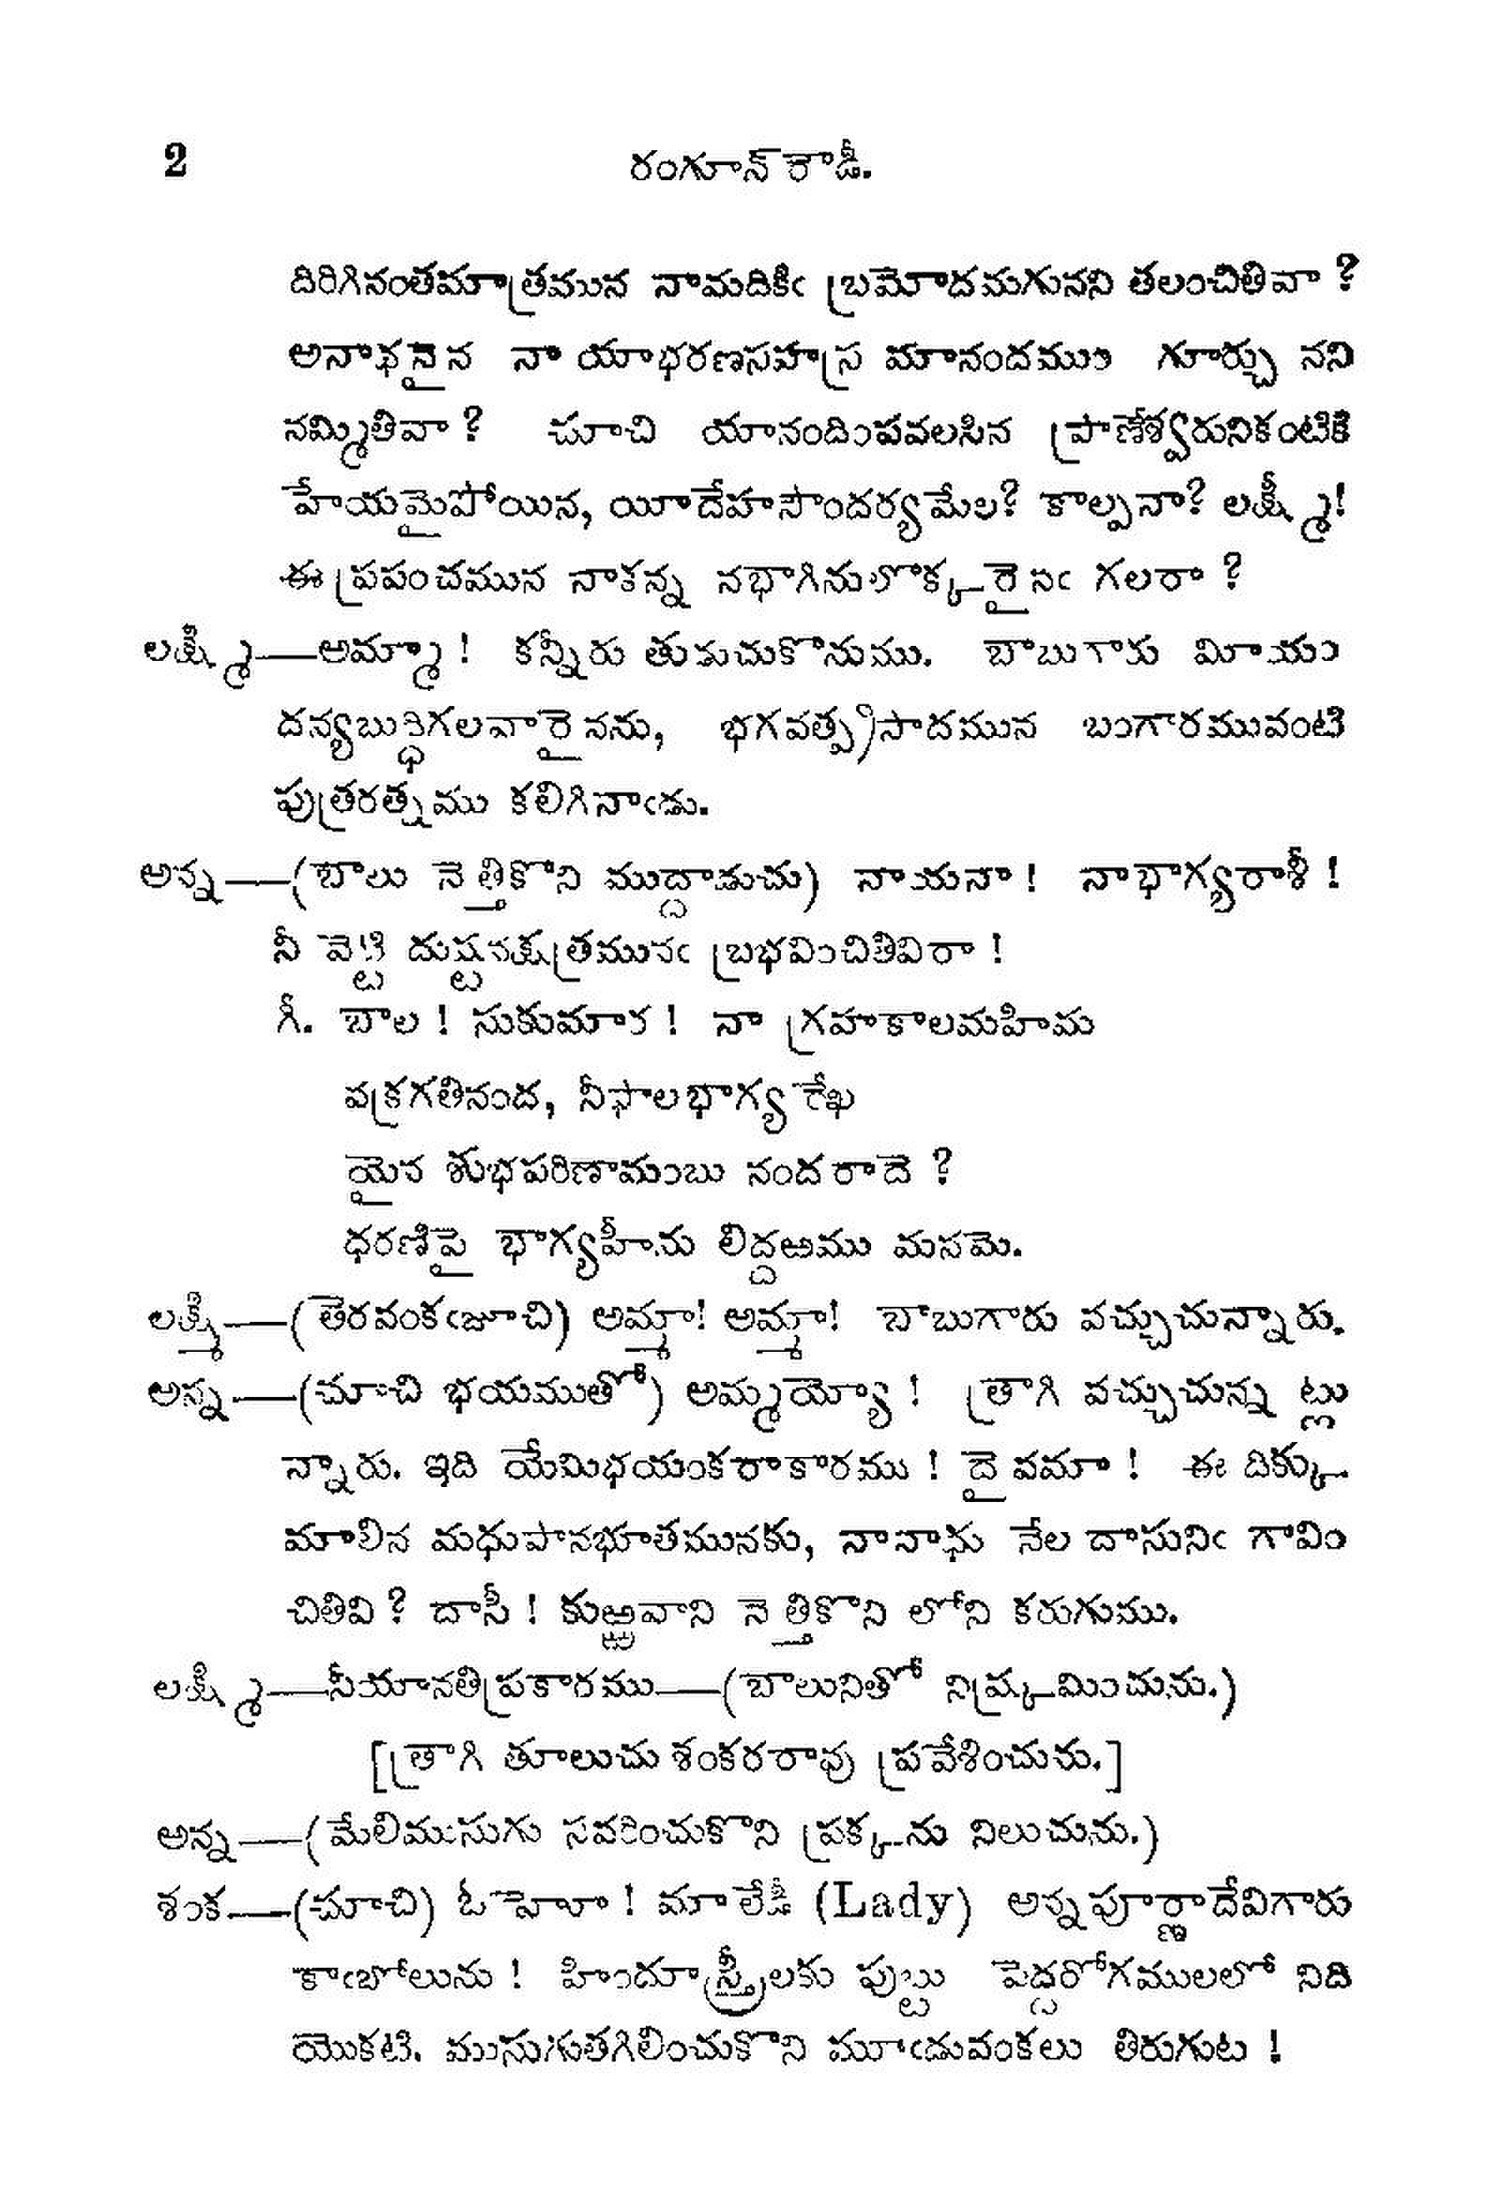దిరిగినంతమాత్రమున నామదికిఁ బ్రమోదమగునని తలంచితివా? అనాథనైన నా యాభరణసహస్ర మానందముం గూర్చు నని నమ్మితివా ? చూచి యానంది.పవలసిన ప్రాణేశ్వరునికంటికి
హేయమైపోయిన, యీదేహసౌందర్యమేల? కాల్పనా? లక్ష్మీ! ఈ ప్రపంచమున నాకన్న నభాగినులొక్కరైనఁ గలరా ?

లక్ష్మీ - అమ్మా ! కన్నీరు తుడుచుకొనుము. బాబుగారు మీయందన్యబుద్ధిగలవారైనను, భగవత్ప్రసాదమున బంగారమువంటి పుత్రరత్నము కలిగినాఁడు.

అన్న - (బాలు నెత్తికొని ముద్దాడుచు) నాయనా ! నాభాగ్యరాశీ ! నీ వెట్టి దుష్టనక్షత్రమునఁ బ్రభవించితివిరా !

గీ. బాల ! సుకుమార ! నా గ్రహకాలమహిమ
 వక్రగతినంద, నీఫాలభాగ్య రేఖ
 యైన శుభపరిణామంబు నందరాదె ?
 ధరణిపై భాగ్యహీను లిద్దఱము మనమె.
లక్ష్మి - ( తెరవంకఁజూచి) అమ్మా! అమ్మా! బాబుగారు వచ్చుచున్నారు.

అన్న — (చూచి భయముతో) అమ్మయ్యో ! త్రాగి వచ్చుచున్న ట్లున్నారు. ఇది యేమిభయంకరాకారము ! దైవమా! ఈ దిక్కుమాలిన మధుపానభూతమునకు, నానాధు నేల దాసునిఁ గావించితివి ? దాసీ ! కుఱ్ఱవాని నెత్తికొని లోని కరుగుము.

లక్ష్మి - నీయానతి ప్రకారము (బాలునితో నిష్క్రమించును.)

అన్న -- (మేలిముసుగు సవరించుకొని ప్రక్కను నిలుచును.)

శంక - (చూచి) ఓహో ! మాలేడీ (Lady) అన్నపూర్ణాదేవిగారు కాఁబోలును ! హిందూస్త్రీలకు పుట్టు పెద్దరోగములలో నిది యొకటి. ముసుగుతగిలించుకొని మూఁడువంకలు తిరుగుట !